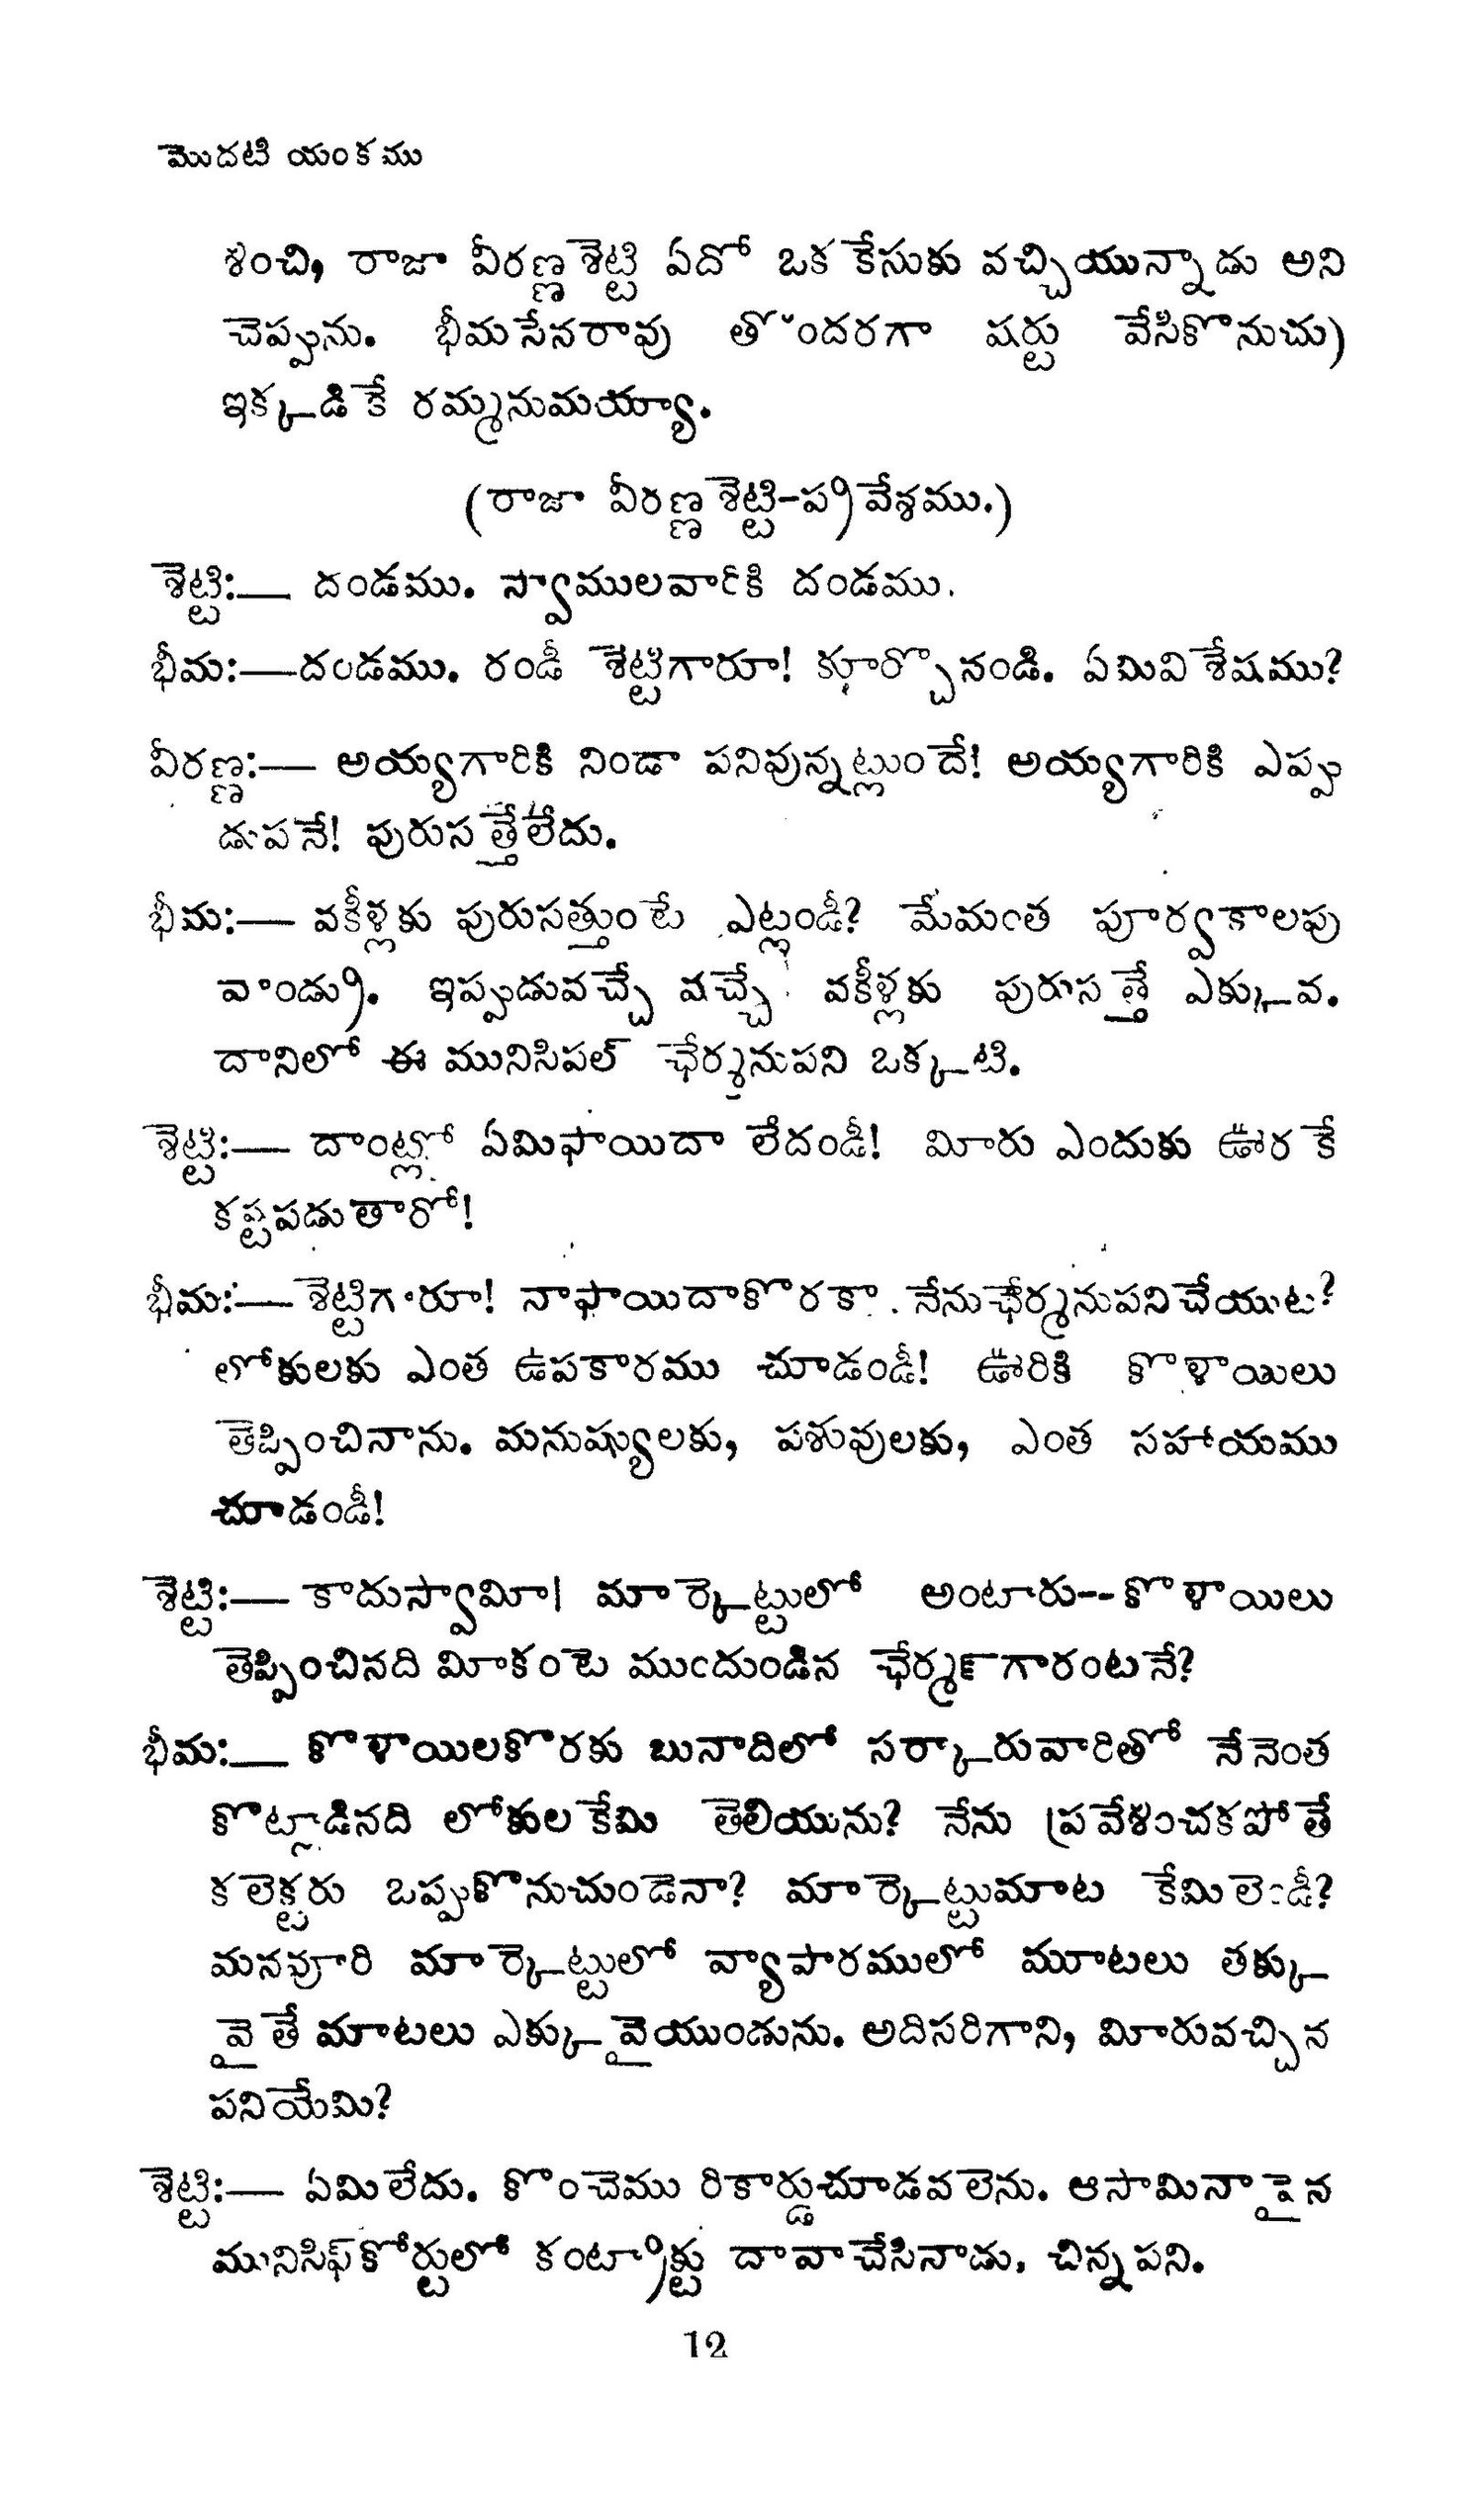శించి, రాజా వీరణ్ణశెట్టి ఏదో ఒక కేసుకు వచ్చియున్నాడు అని చెప్పును. భీమసేనరావు తొందరగా షర్టు వేసుకొనుచు) ఇక్కడికే రమ్మనుమయ్యా.

శెట్టి:--దండము, స్వాములవారికి దండము

భీమ:--దండము, రండీ శెట్టిగారూ! కూర్చోనండి. ఏమిటి విశేషము?

వీరణ్ణ;--అయ్యగారికి నిండా పనివున్నట్లుందే! అయ్యగారికి ఎప్పుడు పనే! పురుసత్తేలేదు.

భీమ:--వకీళ్లకు పురుసతుంటే ఎట్లుండీ? మేమంత పూర్వకాలపు వాండ్రు. ఇప్పుడువచ్చే వచ్చే వకీళ్లకు పురుసత్తే ఎక్కువ. దానిలో ఈ మునిసిపల్ చేర్మనుపని ఒక్కటి.

శెట్టి:--దాంట్లో ఏమీఫాయిదా లేదండీ! మీరు ఎందుకు ఊరకే కష్తపడుతారో!

భీమ:--శెట్టిగారూ! నాఫాయిదాకొరకా నేను చేర్మనుపనిచేయుట? లోకులకు ఎంత ఉపకారము చూడండీ! ఊరికి కొలాయిలు తెప్పించినాను. మనుష్యులకు, పశువులకు, ఎంత సహాయము చూడండి!

శెట్టి:--కాదుస్వామీ! మార్కెట్టులొ అంటారు- కొళాయిలు తెప్పించినది మీకంటే ముందుండిన చేర్మన్ గారంటనే?

భీమ:--కొళాయిలకొరకు బునాదిలో సర్కారువారితో నేనెంత కొట్లాడినది లోకులకు కేమి తెలియును? నేను ప్రవేశించిక పోతే కలెక్టరు ఒప్పుకొను చుండేనా? మార్కెట్టు మాట కేమిలెండీ? మనవూరి మార్కెట్టులో వ్యాపారములో మూటలు తక్కువైతే మాటలు ఎక్కువై యుండును. అదిసరిగాని, మీరువచ్చిన పనియేమి?

శెట్టి:-- ఏమియులేదు. కొంచెము రికార్డుచూడవలెను. ఆసామినాపైన మునిసిప్ కోర్టులో కంట్రాక్టు దావావేసినాడు. చిన్నపని.